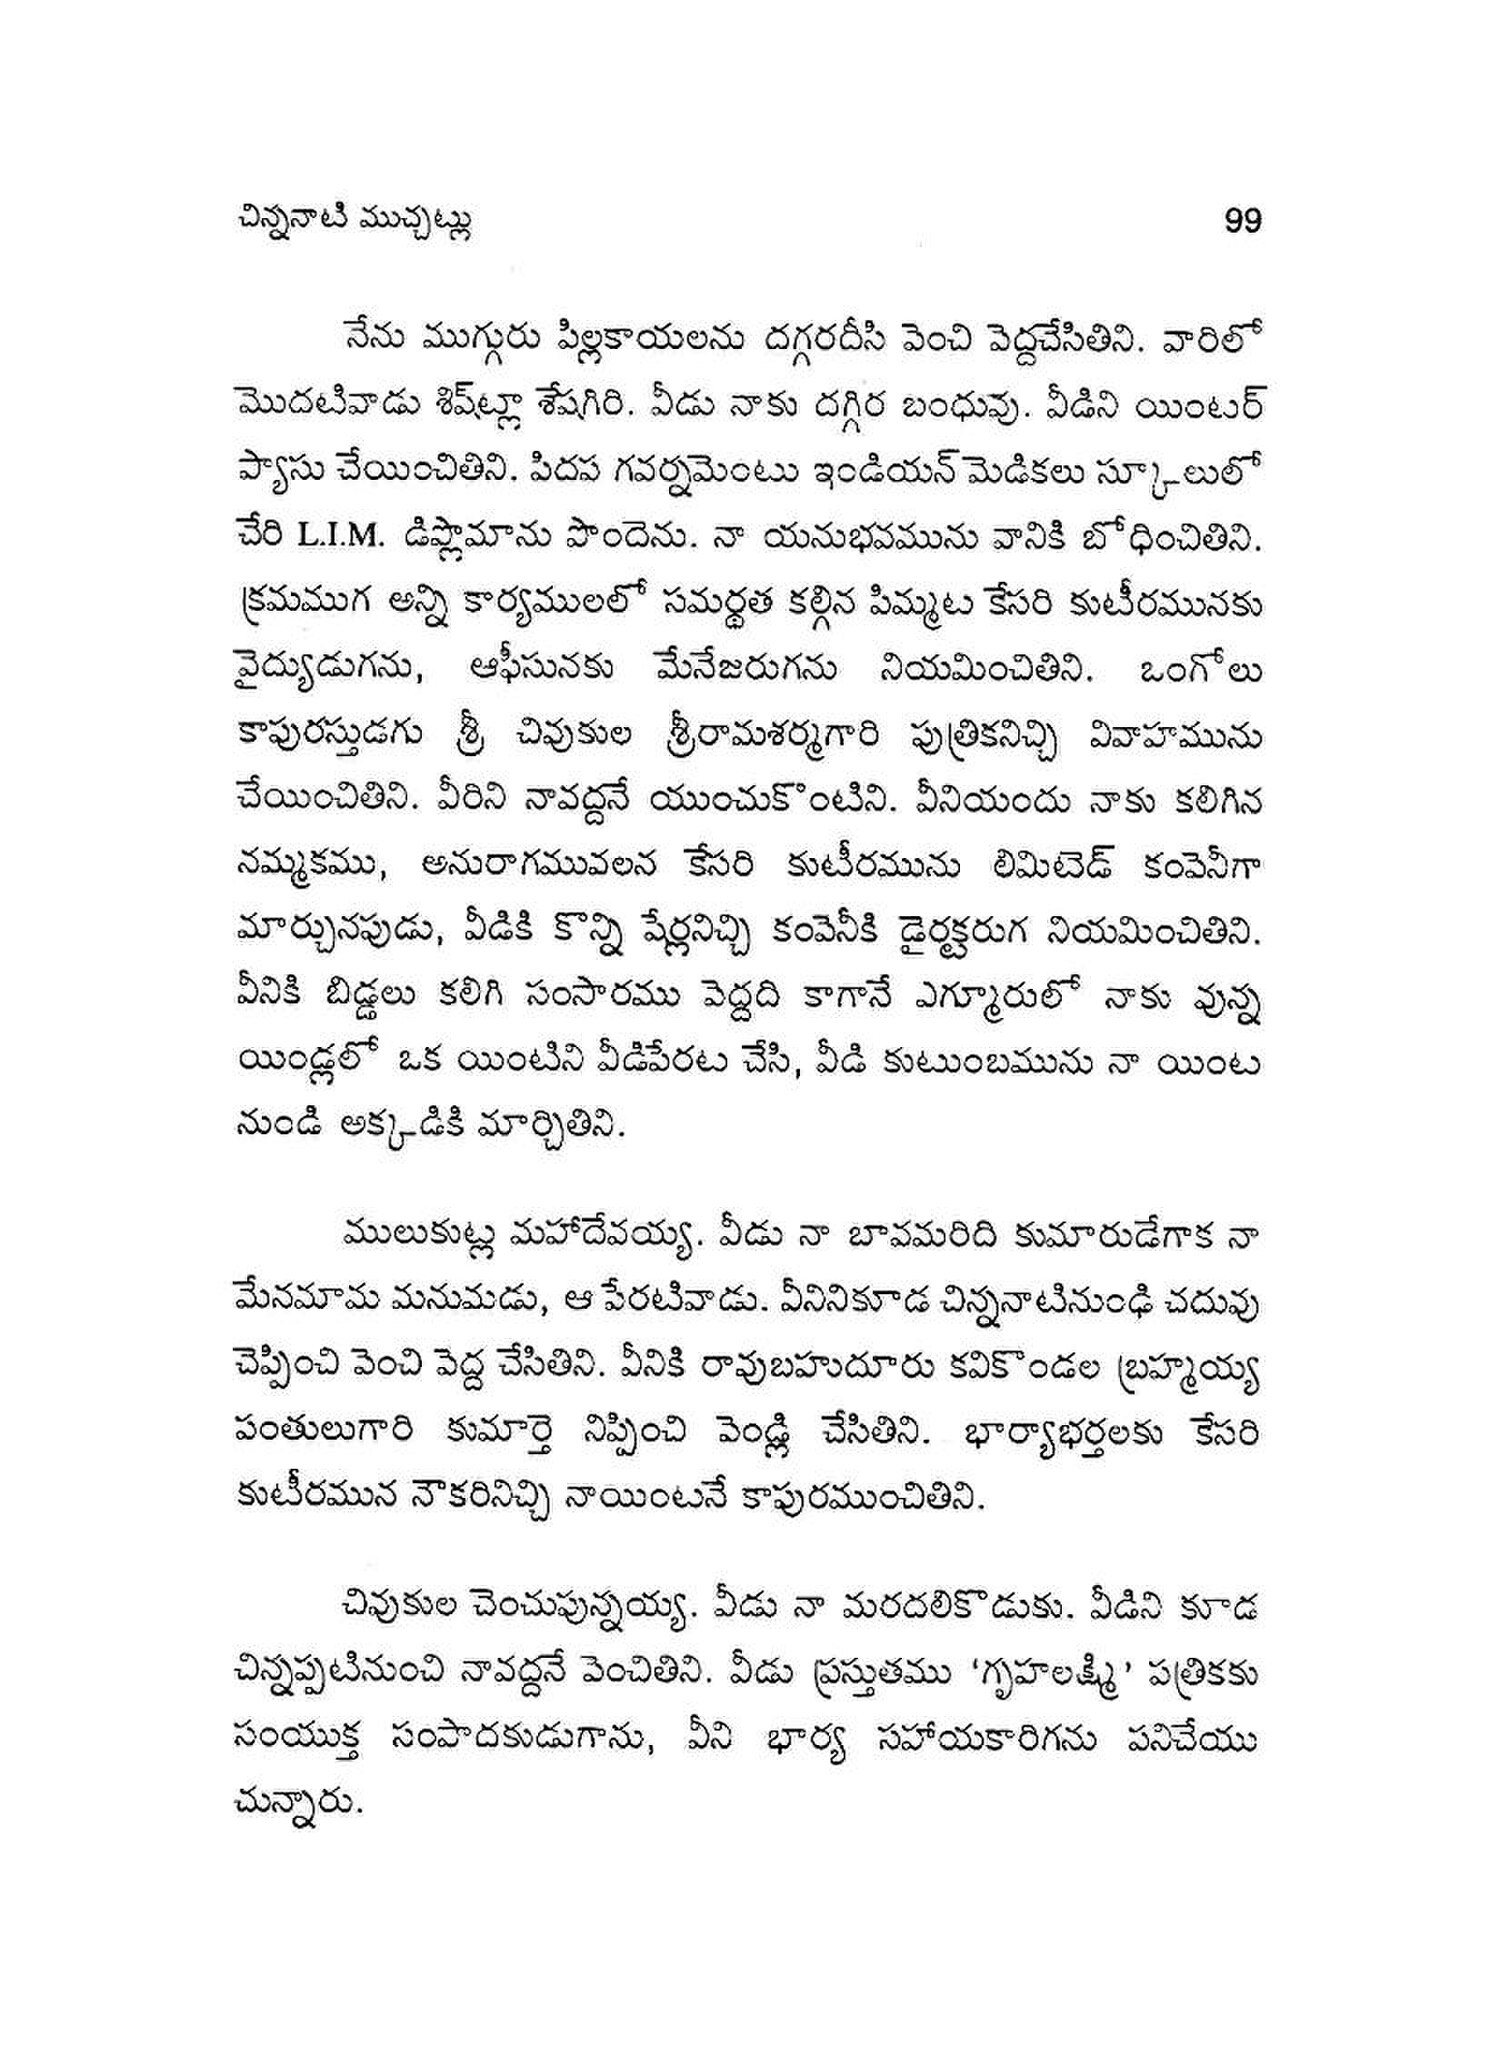నేను ముగ్గురు పిల్లకాయలను దగ్గరదీసి పెంచి పెద్దచేసితిని. వారిలో మొదటివాడు శిష్ట్లా శేషగిరి. వీడు నాకు దగ్గిర బంధువు. వీడిని యింటర్ ప్యాసు చేయించితిని. పిదప గవర్నమెంటు ఇండియన్ మెడికలు స్కూలులో చేరి LL.M. డిప్లొమాను పొందెను. నా యనుభవమును వానికి బోధించితిని. క్రమముగ అన్ని కార్యములలో సమర్థత కల్గిన పిమ్మట కేసరి కుటీరమునకు వైద్యుడుగను, ఆఫీసునకు మేనేజరుగను నియమించితిని. ఒంగోలు కాపురస్తుడగు శ్రీ చివుకుల శ్రీరామశర్మగారి పుత్రికనిచ్చి వివాహమును చేయించితిని. వీరిని నావద్దనే యుంచుకొంటిని. వీనియందు నాకు కలిగిన నమ్మకము, అనురాగమువలన కేసరి కుటీరమును లిమిటెడ్ కంపెనీగా మార్చునపుడు, వీడికి కొన్ని పేర్లనిచ్చి కంపెనీకి డైరక్టరుగ నియమించితిని. వీనికి బిడ్డలు కలిగి సంసారము పెద్దది కాగానే ఎగ్మూరులో నాకు వున్న యిండ్లలో ఒక యింటిని వీడిపేరట చేసి, వీడి కుటుంబమును నా యింట నుండి అక్కడికి మార్చితిని.

ములుకుట్ల మహాదేవయ్య. వీడు నా బావమరిది కుమారుడేగాక నా మేనమామ మనుమడు, ఆపేరటివాడు. వీనినికూడ చిన్ననాటినుండి చదువు చెప్పించి పెంచి పెద్ద చేసితిని. వీనికి రావు బహుదూరు కవికొండల బ్రహ్మయ్య పంతులుగారి కుమార్తె నిప్పించి పెండ్లి చేసితిని. భార్యాభర్తలకు కేసరి కుటీరమున నౌకరినిచ్చి నాయింటనే కాపురముంచితిని.

చివుకుల చెంచుపున్నయ్య. వీడు నా మరదలికొడుకు. వీడిని కూడ చిన్నప్పటినుంచి నావద్దనే పెంచితిని, వీడు ప్రస్తుతము 'గృహలక్ష్మి' పత్రికకు సంయుక్త సంపాదకుడుగాను, వీని భార్య సహాయకారిగను పనిచేయుచున్నారు.